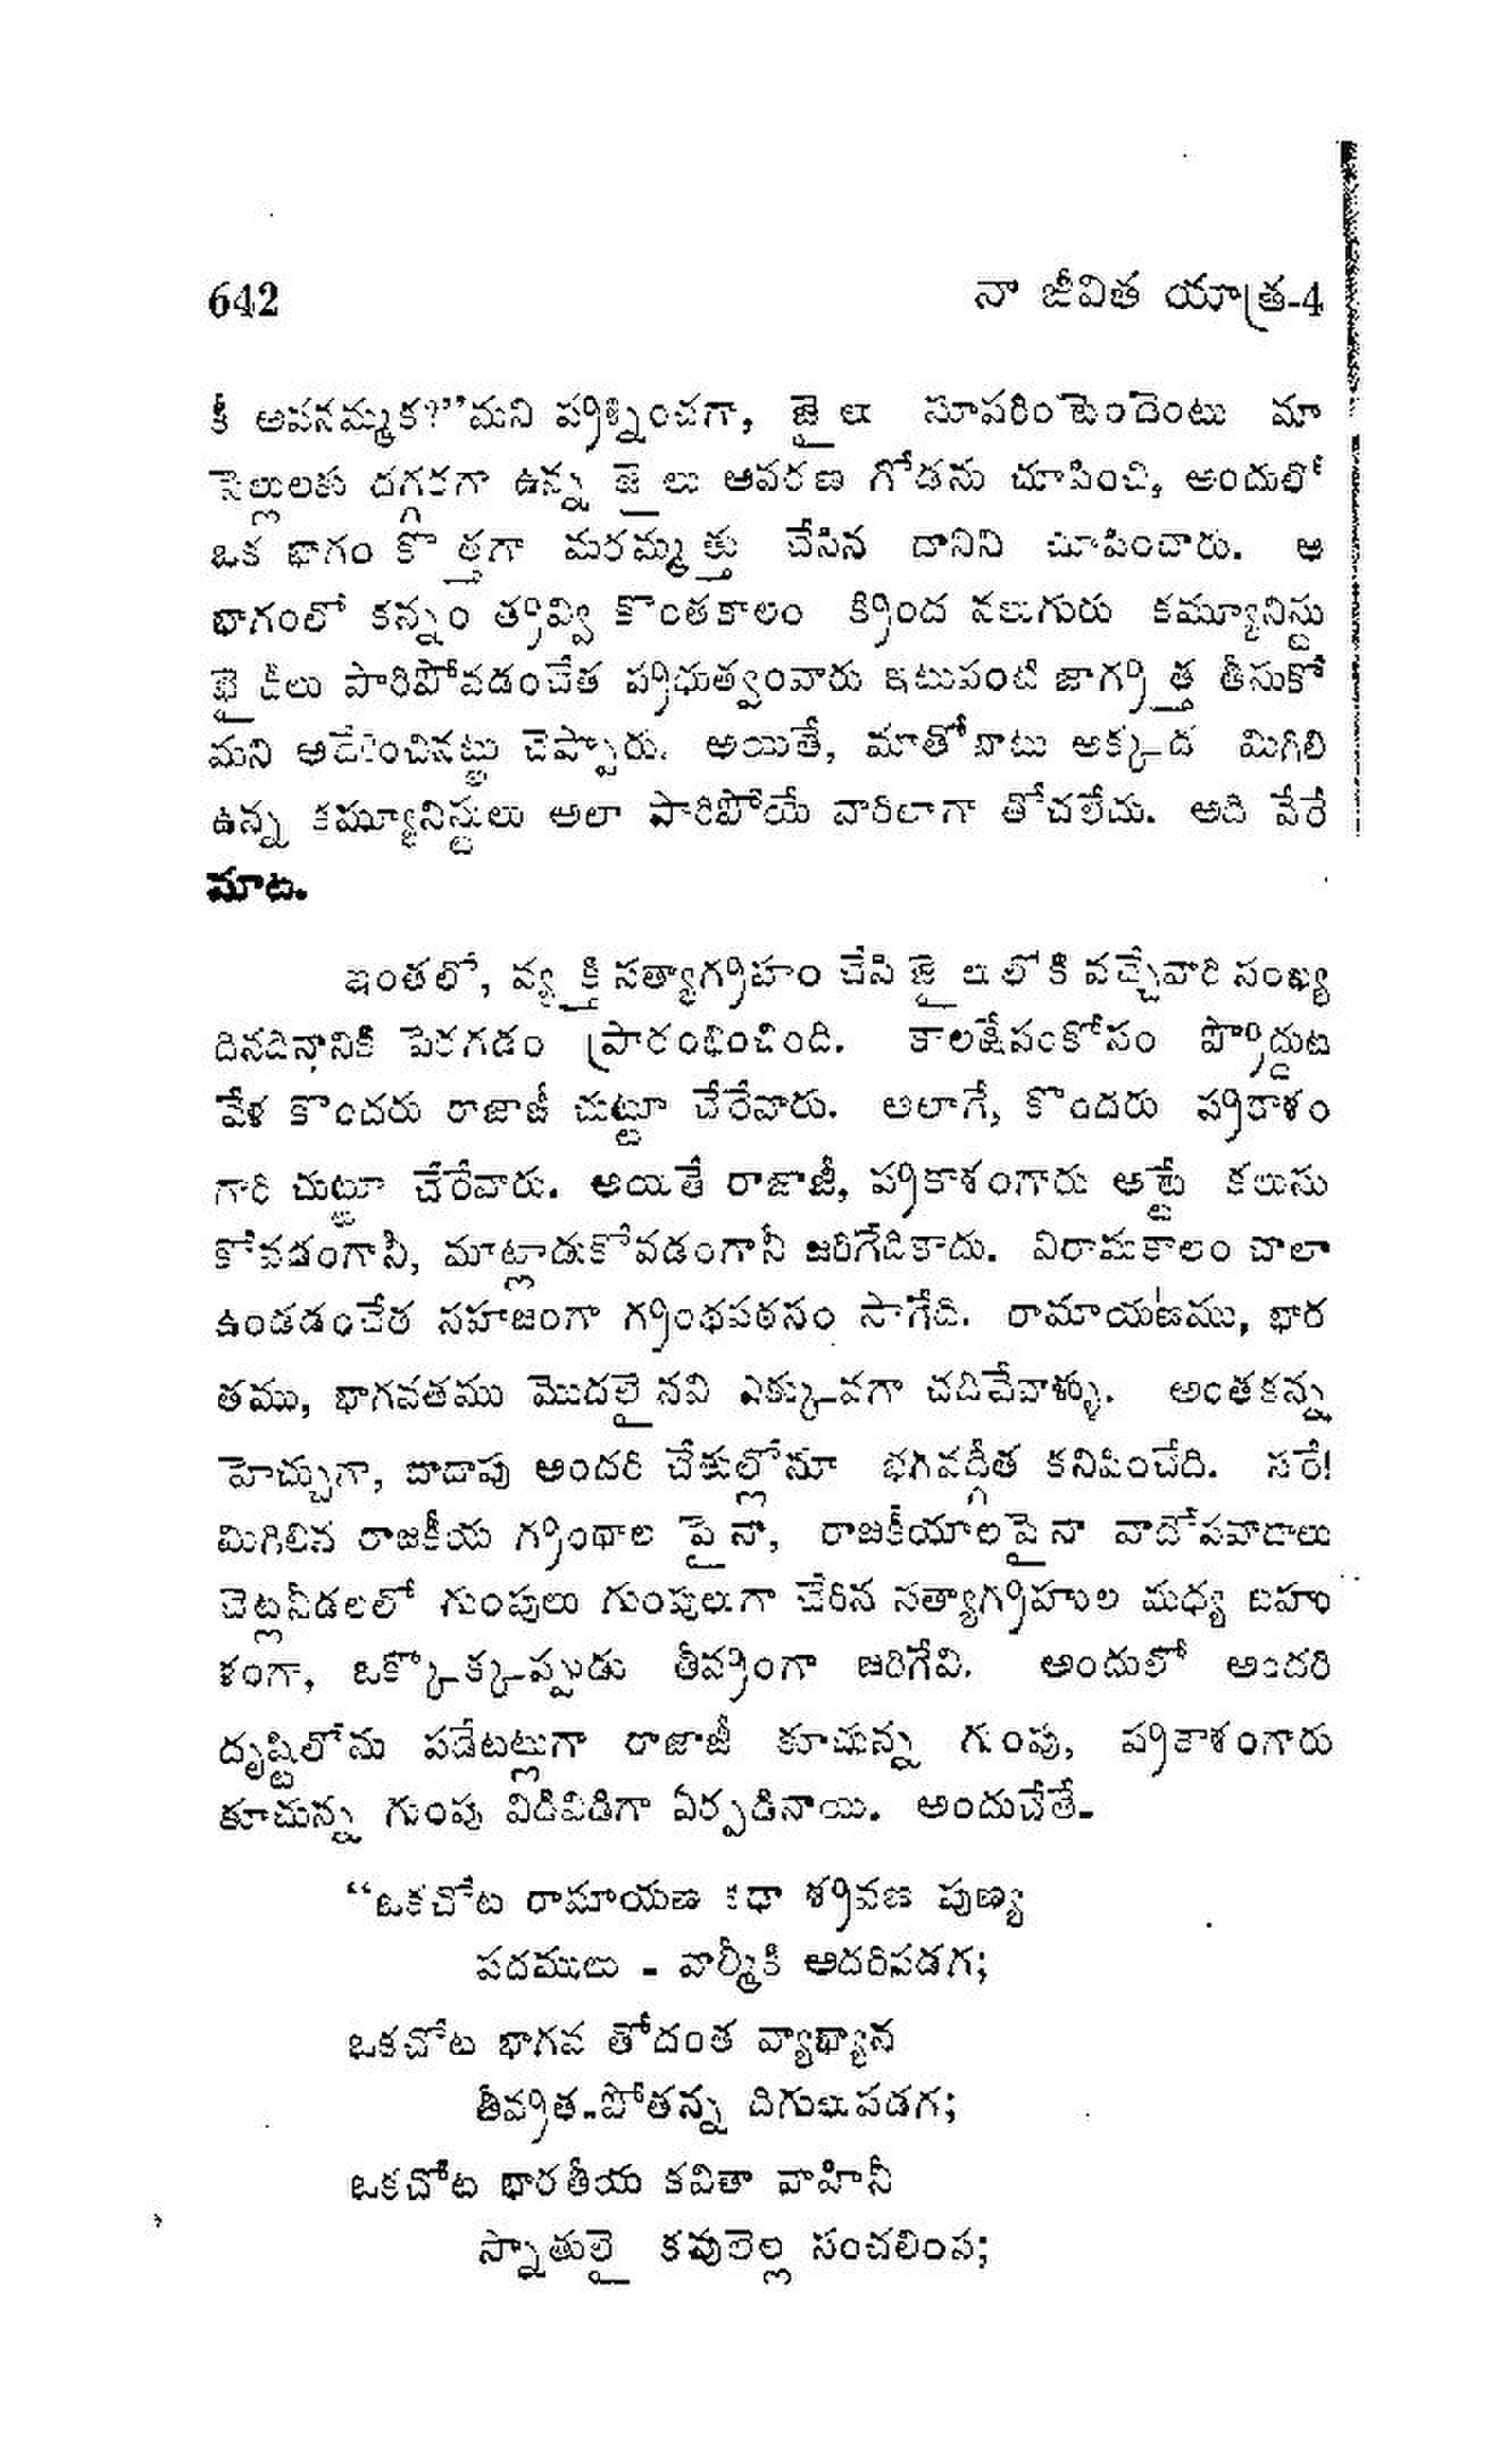కీ అపనమ్మక?" మని ప్రశ్నించగా, జైలు సూపరింటెండెంటు మా సెల్లులకు దగ్గరగా ఉన్న జైలు ఆవరణ గోడను చూపించి, అందులో ఒక భాగం కొత్తగా మరమ్మత్తు చేసిన దానిని చూపించారు. ఆ భాగంలో కన్నం త్రవ్వి కొంతకాలం క్రింద నలుగురు కమ్యూనిస్టు ఖైదీలు పారిపోవడంచేత ప్రభుత్వంవారు ఇటువంటి జాగ్రత్త తీసుకోమని ఆదేశించినట్టు చెప్పారు. అయితే, మాతోబాటు అక్కడ మిగిలి ఉన్న కమ్యూనిస్టులు అలా పారిపోయే వారిలాగా తోచలేదు. అది వేరే మాట.

ఇంతలో, వ్యక్తి సత్యాగ్రహంచేసి జైలులోకి వచ్చేవారి సంఖ్య దినదినానికి పెరగడం ప్రారంభించింది. కాలక్షేపంకోసం ప్రొద్దుట వేళ కొందరు రాజాజీ చుట్టూ చేరేవారు. అలాగే, కొందరు ప్రకాశంగారి చుట్టూ చేరేవారు. అయితే రాజాజీ, ప్రకాశంగారు అట్టే కలుసు కోవడంగానీ, మాట్లాడుకోవడంగానీ జరిగేదికాదు. విరామకాలం చాలా ఉండడంచేత సహజంగా గ్రంథపఠనం సాగేది. రామాయణము, భారతము, భాగవతము మొదలైనవి ఎక్కువగా చదివేవాళ్ళు. అంతకన్న హెచ్చుగా, దాదాపు అందరి చేతుల్లోనూ భగవద్గీత కనిపించేది. సరే! మిగిలిన రాజకీయ గ్రంథాల పైనా, రాజకీయాలపైనా వాదోపవాదాలు చెట్లనీడలలో గుంపులు గుంపులుగా చేరిన సత్యాగ్రహుల మధ్య బహుళంగా, ఒక్కొక్కప్పుడు తీవ్రంగా జరిగేవి. అందులో అందరి దృష్టిలోను పడేటట్లుగా రాజాజీ కూచున్న గుంపు, ప్రకాశంగారు కూచున్న గుంపు విడివిడిగా ఏర్పడినాయి. అందుచేతే.

 "ఒకచోట రామాయణ కధా శ్రవణ పుణ్య
 పదములు - వాల్మీకి అదరిపడగ;
 ఒకచోట భాగవ తోదంత వ్యాఖ్యాన
 తీవ్రత - పోతన్న దిగులుపడగ;
 ఒకచోట భారతీయ కవితా వాహినీ
 స్నాతులై కవులెల్ల సంచలింప;